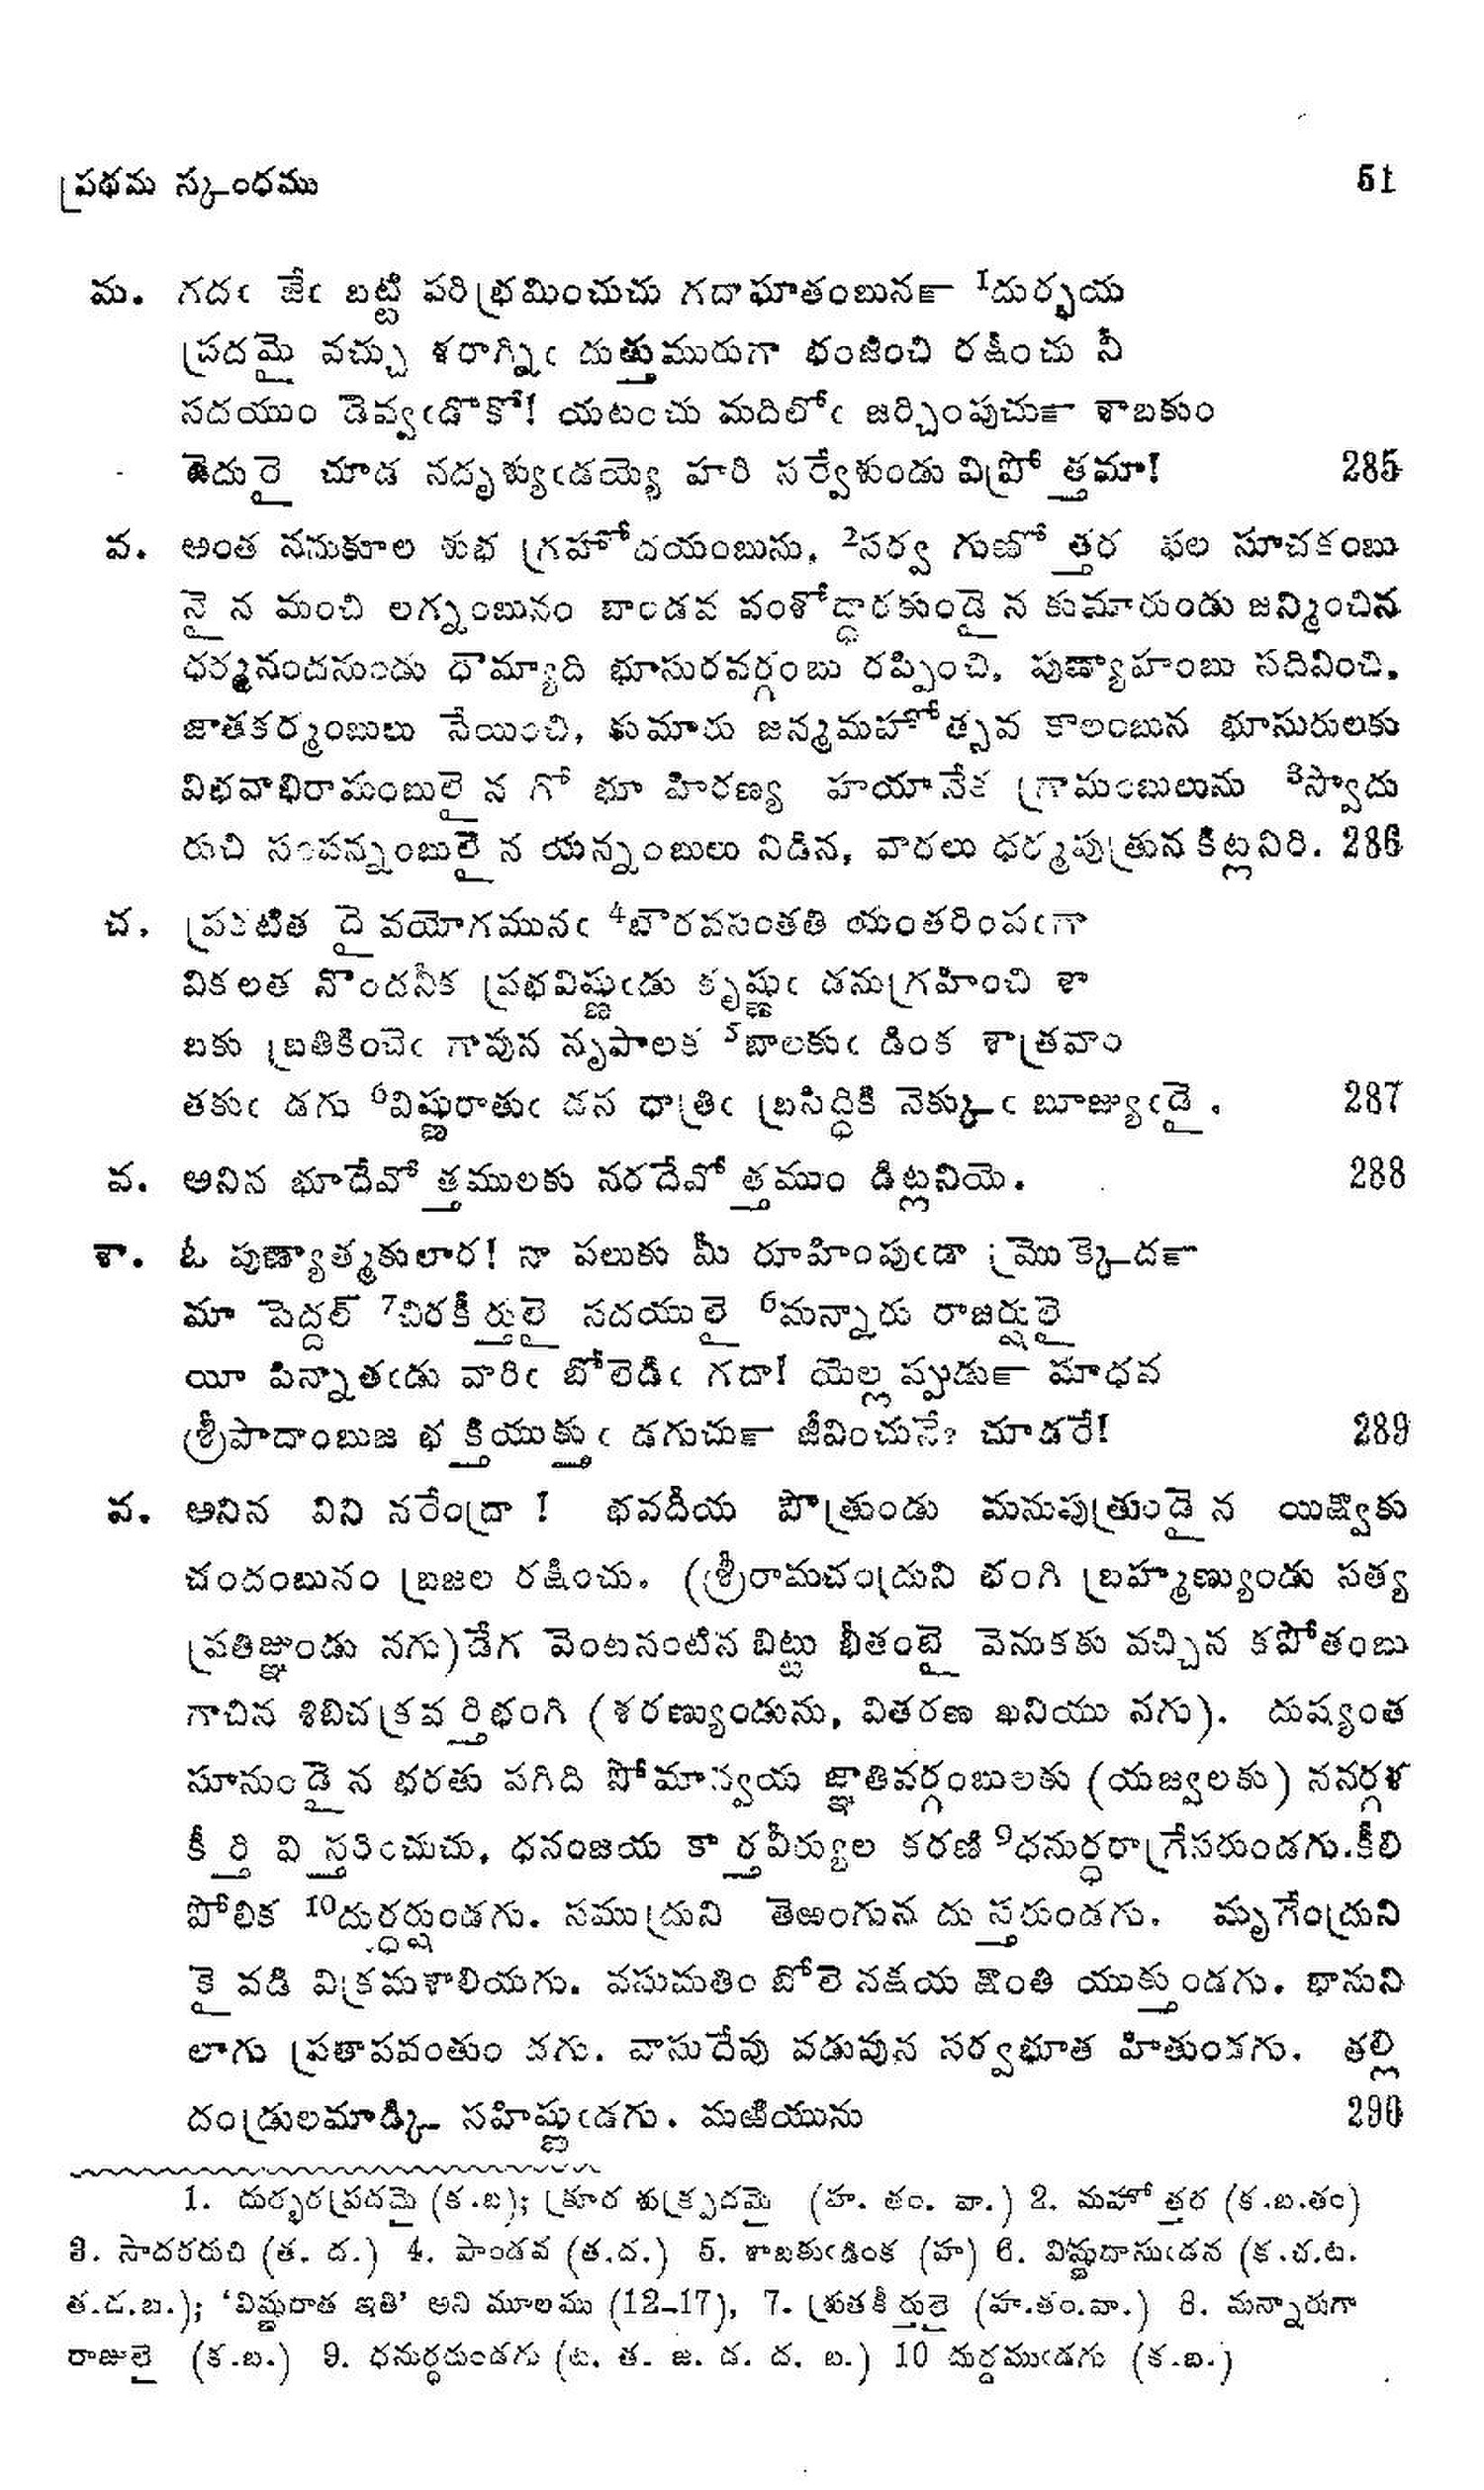51

మ. గదఁ జేఁ బట్టి పరిభ్రమించుచు గదాఘాతంబునన్ దుర్భయ

ప్రదమై వచ్చు శరాగ్నిఁ దుత్తుమురుగా భంజించి రక్షించు నీ

సదయుం డెవ్వఁడొకో! యటంచు మదిలోఁ జర్పింపుచున్ శాబకుం

డెదురై చూడు నదృశ్యుఁడయ్యె హరి సర్వేశుండు విప్రోత్తమా! (1-285)

వ.అంత ననుకూల శుభ గ్రహోదయంబును, సర్వ గుణోత్తర ఫల సూచకంబునైన మంచి లగ్నంబునం భాడవ వంశోద్ధారకుండైన కుమారుండు జన్మించిన ధర్మ నందనుండు ధౌమ్యాది భూసురవర్గంబు రప్పించి, పుణ్యహంబు సదిమించి, జాతకర్మంబులు సేయించి, కుమారు జన్మమహోత్సవ కాలంబున భూసురులకు విభవాభిరామంబులైన గో భూ హిరణ్య హయానేక గ్రామంబులును స్వాదురుచి సంపన్నంబులై న యన్నంబులు నిడిన,వారలు ధర్మపుత్రునకిట్లనిరి.(1-286)

చ. ప్రకటిత దైవయోగమునఁ బొరవసంతతి యంతరింపఁగా

వికలత నొందనీక ప్రభవిష్ణుఁడు కృష్ణుఁడు డనుగ్రహించి శా

బకు బ్రతికించెఁ గావున నృపాలక బాలకుఁ డింక శాత్రవాం

తకుఁ డగు విష్ణురాతుఁ డన ధాత్రిఁ బ్రసిద్ధికి నెక్కెఁ బూజ్యుడై. (1-287)

వ. అని భూదేవోత్తములకు నరదేవోత్తముం డిట్లనియె. (1-288)

శా. ఓ పుణ్యాత్మకులార!నా పలుకు మీ రూహింపుఁడా మ్రొక్కెదన్

మా పెద్దల్ చిరకీర్తులై సదయులై మన్నారు రాజర్షులై

యీ పిన్నాతఁడు వారిఁ బోలెడిఁ గదా! యెల్లప్పుడున్ మాధవ

శ్రీ పాదాంబుజ భక్తియుక్తుఁ డగుచున్ జీవించునే? చూడరే! (1-289)

వ. అనిన విని నరేంద్రా! భవదీయ పౌత్రుండు మనుపుత్రుండైన యిక్ష్వాకు చందంబునం బ్రజల రక్షించ. (శ్రీ రామచంద్రుని భంగి బ్రహ్మణ్యుండు సత్య ప్రతిజ్ఞుండు నగు)డేగె వెంటనంటిన బిట్టు భీతంబై వెనుకకు వచ్చిన కపోతంబుగాచిన శిబిచక్రవర్తిభంగి (శరణ్యుండును, వితరణఖనియు నగు). దుష్యంత సూనుండైన భరతు పగిది సోమాన్వయ జ్ఞాతివర్గంబులకు(యజ్వలకు)ననర్గళ కీర్తి విస్తరించుచు,ధనంజయ కార్తావీర్యుల కరణి ధనుర్ధరాగ్రేసరుండగు. కీలిపోలిక దుర్ధర్షుండగు. సముద్రుని తెఱంగున దుస్తరుండాగు.మృగేంద్రుని కైవడీ విక్రమశాలియగు. వసుమతిం బోలె నక్షయ క్షాంతి యుక్తుండగు. భానుని లాగు ప్రతాపవంతుండగు.వాసుదేవు వడువున సర్వభూతహితుండగు. తల్లిదండ్రులమాడ్కి సహిష్ణుఁడగు. మఱియును. (1-290)